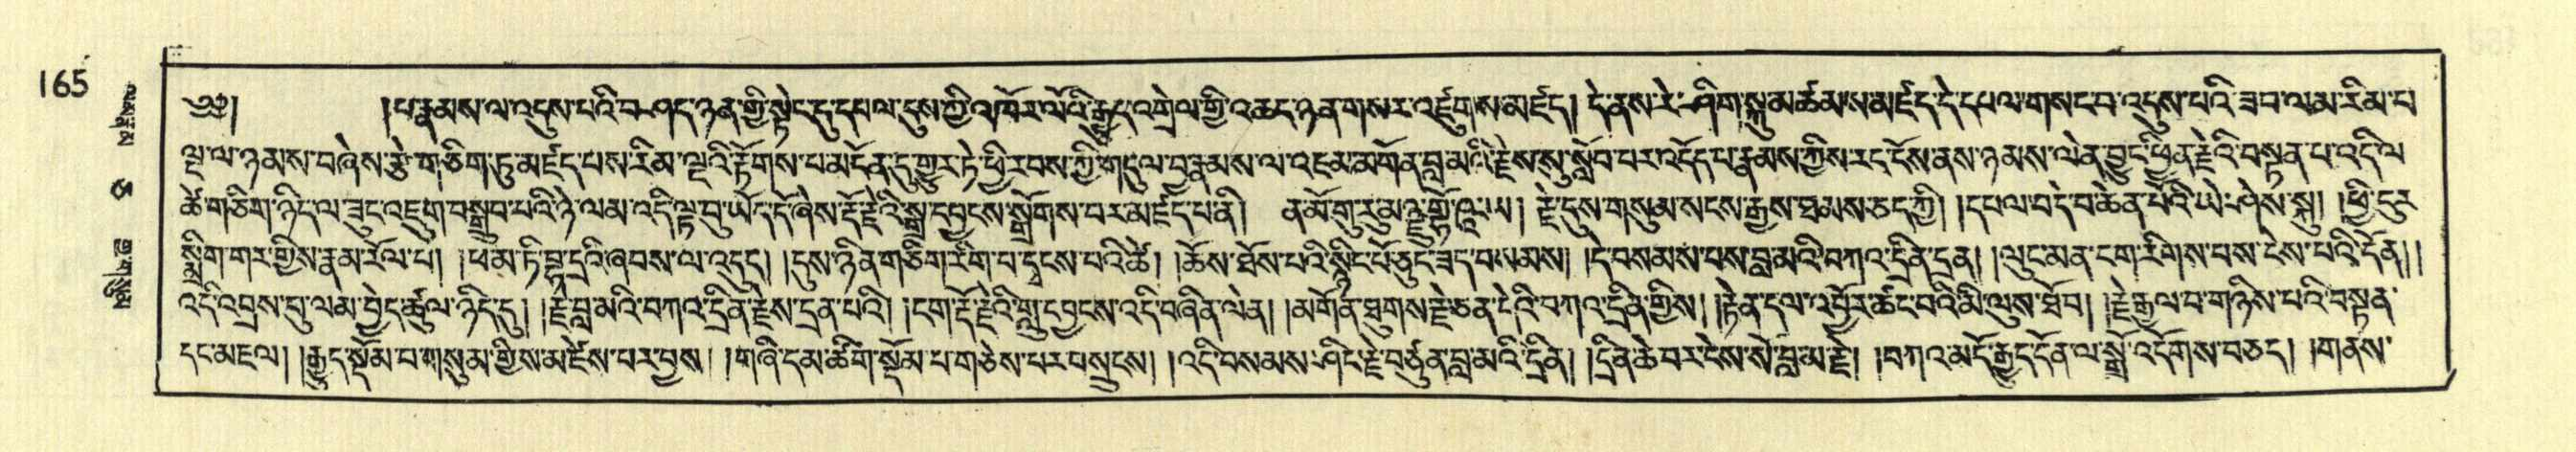༄༅། །པ་རྣམས་ལ་འདུས་པའི་བཤད་ཉན་གྱི་སྟེང་དུ་དཔལ་དུས་ཀྱི་འཁོར་ལོའི་རྒྱུད་འགྲེལ་གྱི་འཆད་ཉན་གསར་འཛུགས་མཛད། དེ་ནས་རེ་ཤིག་སྐུ་མཚམས་མཛད་དེ་དཔལ་གསང་བ་འདུས་པའི་ཟབ་ལམ་རིམ་པ་
ལྔ་ལ་ཉམས་བཞེས་རྩེ་གཅིག་ཏུ་མཛད་པས་རིམ་ལྔའི་རྟོགས་པ་མངོན་དུ་གྱུར་ཏེ་ཕྱི་རབས་ཀྱི་གདུལ་བྱ་རྣམས་ལ་འཇམ་མགོན་བླ་མའི་རྗེས་སུ་སློབ་པར་འདོད་པ་རྣམས་ཀྱིས་རང་ངོས་ནས་ཉམས་ལེན་བྱུང་ཕྱིན་རྗེའི་བསྟན་པ་འདི་ལ་
ཚེ་གཅིག་ཉིད་ལ་ཟུང་འཇུག་བསྒྲུབ་པའི་ཉེ་ལམ་འདི་ལྟ་བུ་ཡོད་དོ་ཞེས་རྡོ་རྗེའི་སྒྲ་དབྱངས་སྒྲོགས་པར་མཛད་པ་ནི། ན་མོ་གུ་རུ་མཉྫུ་གྷོ་ཥཱ་ཡ། རྗེ་དུས་གསུམ་སངས་རྒྱས་ཐམས་ཅད་ཀྱི། །དཔལ་བདེ་བ་ཆེན་པོའི་ཡེ་ཤེས་སྐུ། །ཕྱི་ངུར་
སྨྲིག་གར་གྱིས་རྣམ་རོལ་པ། །ཕ་མ་ཏི་བྷ་དྲའི་ཞབས་ལ་འདུད། །དུས་ཉིན་གཅིག་རིག་པ་དྭངས་པའི་ཚེ། །ཆོས་ཐོས་པའི་སྙིང་པོ་ཅུང་ཟད་བསམས། །དེ་བསམས་པས་བླ་མའི་བཀའ་དྲིན་དྲན། །ལུང་མན་ངག་རིགས་པས་ངེས་པའི་དོན།།
འདི་འབྲས་བུ་ལམ་བྱེད་ཚུལ་ཉིད་དུ། །རྗེ་བླ་མའི་བཀའ་དྲིན་རྗེས་དྲན་པའི། །ངག་རྡོ་རྗེའི་གླུ་དབྱངས་འདི་བཞིན་ལེན། །མགོན་ཐུགས་རྗེ་ཅན་དེའི་བཀའ་དྲིན་གྱིས། །རྟེན་དལ་འབྱོར་ཚང་བའི་མི་ལུས་ཐོབ། །རྗེ་རྒྱལ་བ་གཉིས་པའི་བསྟན་
དང་མཇལ། །རྒྱུད་སྡོམ་པ་གསུམ་གྱིས་མཛེས་པར་བྱས། །གཞི་དམ་ཚིག་སྡོམ་པ་གཅེས་པར་བསྲུངས། །འདི་བསམས་ཤིང་རྗེ་བཙུན་བླ་མའི་དྲིན། །དྲིན་ཆེ་བར་ངེས་སོ་བླ་མ་རྗེ། །བཀའ་མདོ་རྒྱུད་དོན་ལ་སྒྲོ་འདོགས་བཅད། །གནས་